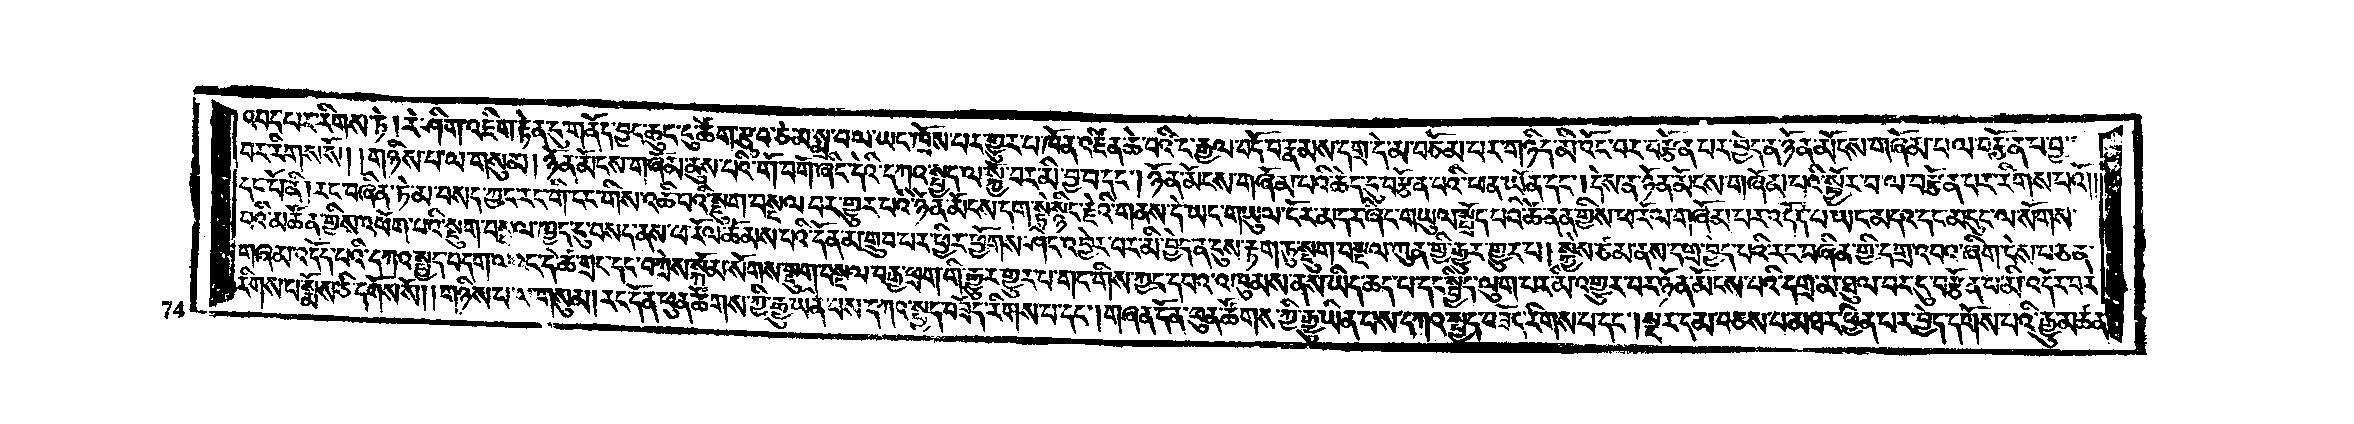འབད་པར་རིགས་ཏེ། རེ་ཤིག་འཇིག་རྟེན་དུ་གནོད་བྱང་ཆུབ་དུ་ཚིག་རྩུབ་ཚོམ་སྨྲ་བ་ལ་ཡང་ཁྲོས་པར་གྱུར་པ་ཁོ་ན་འཛིན་ཆེ་བའི་ང་རྒྱལ་བདོ་བ་རྣམས་དགྲ་དེ་མ་བཅོམ་པར་གཉིད་མི་འོང་བར་བརྩོན་པར་བྱེད་ན་ཉོན་མོངས་གཞོམ་པ་ལ་བརྩོན་པ་བྱ་
བར་རིགས་སོ། །གཉིས་པ་ལ་གསུམ། ཉོན་མོངས་གཞོམ་ནུས་པའི་གོ་བ་གོ་ཞིང་དེའི་དཀའ་སྤྱད་ལ་སྐྱོ་བར་མི་བྱ་དང་། ཉོན་མོངས་གཞོམ་པའི་ཆེད་དུ་བརྩོན་པའི་ཕན་ཡོན་དང་། དེས་ན་ཉོན་མོངས་གཞོམ་པའི་སྦྱོར་བ་ལ་བརྩོན་པར་རིགས་པའོ། །
དང་པོ་ནི། རང་བཞིན་ཏེ་མ་བསད་ཀྱང་རང་གི་དང་གིས་འཆི་བའི་སྡུག་བསྔལ་བར་གྱུར་པའི་ཉོན་མོངས་དག་སྟེ་སྙིང་རྗེའི་གནས་དེ་ཡང་གཡུལ་ངོར་མདར་ཞིང་གཡུལ་སྤྲོད་པའི་ཚེ་ནན་གྱིས་ཕ་རོལ་གཞོམ་པར་འདོད་པ་ཡང་མདའ་དང་མདུང་ལ་སོགས་
པའི་མཚོན་གྱིས་འཕགས་པའི་སྡུག་བསྔལ་ཁྱད་དུ་བསད་ནས་ཕ་རོལ་ཆོམས་པའི་དོན་མ་གྲུབ་པར་ཕྱིར་ཕྱོགས་ཤིང་འབྱེར་བར་མི་བྱེད་ན་དུས་རྟག་ཏུ་སྡུག་བསྔལ་ཀུན་གྱི་རྒྱུར་གྱུར་པ། སྐྱེས་ཙམ་ནས་དགྲ་བྱེད་པའི་རང་བཞིན་གྱི་དགྲ་འབའ་ཞིག་ངེས་པ་ཅན་
གཞམ་འདོད་པའི་དཀའ་སྤྱད་བདག་ལའང་དེ་ཚ་གྲང་དང་བཀྲེས་སྐོམ་སོགས་སྡུག་བསྔལ་བརྒྱ་ཕྲག་གི་རྒྱུར་གྱུར་པ་གང་གིས་ཀྱང་དཔའ་འཁུམས་ནས་ཡིད་ཆད་པ་དང་སྤྱིད་ལུག་པར་མི་འགྱུར་བར་ཉོན་མོངས་པའི་དགྲ་མ་ཐུལ་བར་དུ་བརྩོན་པ་མི་འདོར་བར་
རིགས་པ་སྨོས་ཅི་དགོས་སོ། །གཉིས་པ་ལ་གསུམ། རང་དོན་ཕུན་ཚོགས་ཀྱི་རྒྱུ་ཡིན་པས་དཀའ་སྤྱད་བཟོད་རིགས་པ་དང་། གཞན་དོན་ཕུན་ཚོགས་ཀྱི་རྒྱུ་ཡིན་པས་དཀའ་སྤྱད་བཟོད་རིགས་པ་དང་། སྔར་དམ་བཅས་པ་མཐར་ཕྱིན་པར་བྱེད་དགོས་པའི་རྒྱུ་མཚན་